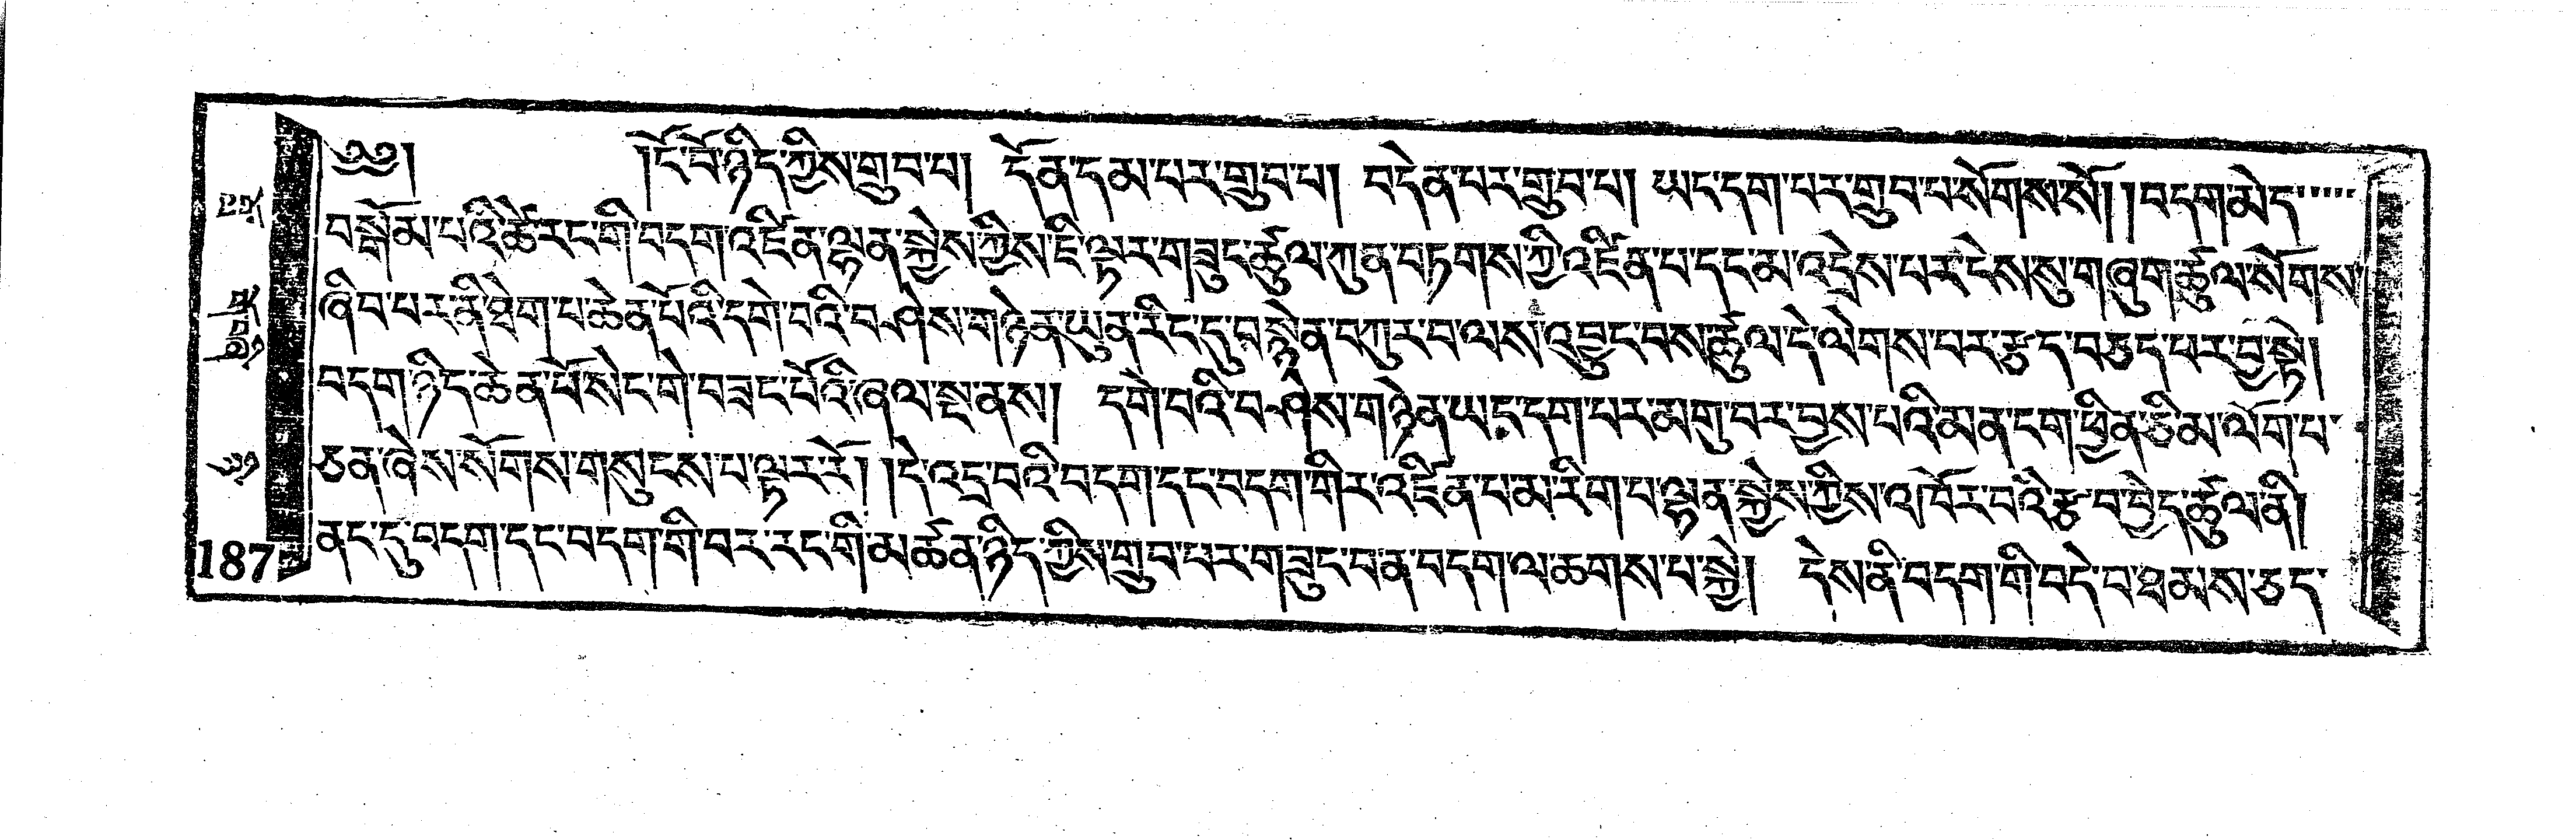༄༅། །ངོ་བོ་ཉིད་ཀྱིས་གྲུབ་པ། དོན་དམ་པར་གྲུབ་པ། བདེན་པར་གྲུབ་པ། ཡང་དག་པར་གྲུབ་པ་སོགས་སོ། །བདག་མེད་
བསྒོམ་པའི་ཚེ་རང་གི་བདག་འཛིན་ལྷན་སྐྱེས་ཀྱིས་ཇི་ལྟར་གཟུང་ཚུལ་ཀུན་བཏགས་ཀྱི་འཛིན་པ་དང་མ་འདྲེས་པར་ངེས་སུ་གཞུག་ཚུལ་སོགས་
ཞིབ་པར་ནི་ཐེག་པ་ཆེན་པོའི་དགེ་བའི་བཤེས་གཉེན་ཡུན་རིང་དུ་བསྙེན་བཀུར་བ་ལས་འབྱུང་བས་ཚུལ་དེ་ལེགས་པར་རྩད་བཅད་པར་བྱ་སྟེ།
བདག་ཉིད་ཆེན་པོ་སེང་གེ་བཟང་པོའི་ཞལ་སྔ་ནས། དགེ་བའི་བཤེས་གཉེན་ཡང་དག་པར་མགུ་བར་བྱས་པའི་མན་ངག་ཕྱིན་ཅི་མ་ལོག་པ་
ཅན་ཞེས་སོགས་གསུངས་པ་ལྟར་རོ། །དེ་འདྲ་བའི་བདག་དང་བདག་གིར་འཛིན་པ་མ་རིག་པ་ལྷན་སྐྱེས་ཀྱིས་འཁོར་བའི་རྩ་བ་བྱེད་ཚུལ་ནི།
ནང་དུ་བདག་དང་བདག་གི་བར་རང་གི་མཚན་ཉིད་ཀྱིས་གྲུབ་པར་གཟུང་བ་ན་བདག་ལ་ཆགས་པ་སྐྱེ། དེས་ནི་བདག་གི་བདེ་བ་ཐམས་ཅད་